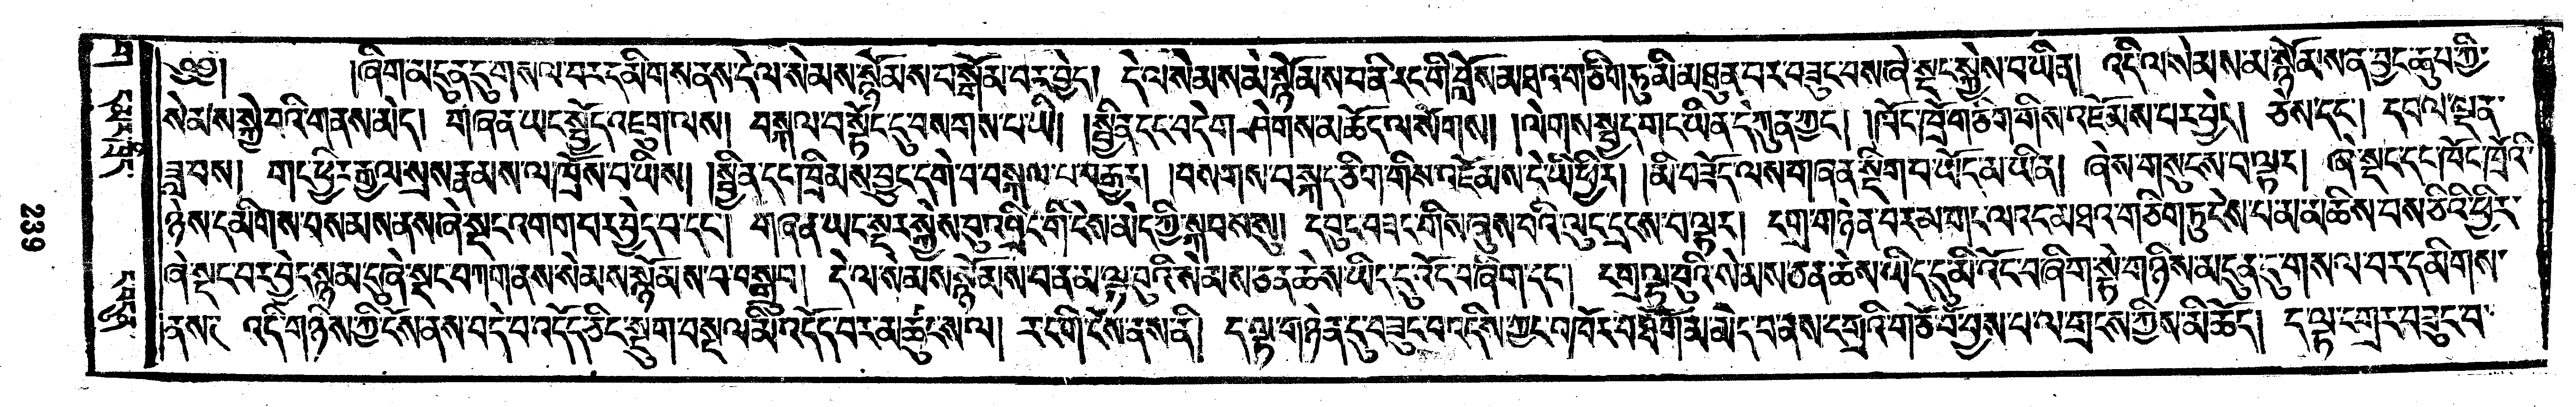༄༅། །ཞིག་མདུན་དུ་གསལ་བར་དམིགས་ནས་དེ་ལ་སེམས་སྙོམས་བསྒོམ་བར་བྱེད། དེ་ལ་སེམས་མེ་སྙོམས་བ་ནི་རང་གི་བློས་མཐའ་གཅིག་ཏུ་མི་མཐུན་བར་བཟུང་བས་ཞེ་སྡང་སྐྱེས་བ་ཡིན། འདི་ལ་སེམས་མ་སྙོམས་ན་བྱང་ཆུབ་ཀྱི་
སེམས་སྐྱེ་བའི་གནས་མེད། གཞན་ཡང་སྤྱོད་འཇུག་ལས། བསྐལ་བ་སྟོང་དུ་བསགས་པ་ཡི། །སྦྱིན་དང་བདེ་གཤེགས་མཆོད་ལ་སོགས། །ལེགས་སྤྱད་གང་ཡིན་དེ་ཀུན་ཀྱང་། །ཁོང་ཁྲོ་གཅིག་གིས་འཇོམས་པར་བྱེད། ཅེས་དང་། དཔལ་ལྡན་
ཟླ་བས། གང་ཕྱིར་རྒྱལ་སྲས་རྣམས་ལ་ཁྲོས་བ་ཡིས། །སྦྱིན་དང་ཁྲིམས་བྱུང་དགེ་བ་བསྐལ་པ་བརྒྱར། །བསགས་བསྐད་ཅིག་གིས་འཇོམས་དེ་ཡི་ཕྱིར། །མི་བཟོད་ལས་གཞན་སྡིག་བ་ཡོད་མ་ཡིན། ཞེས་གསུངས་བ་ལྟར། ཞེ་སྡང་དང་ཁོང་ཁྲོའི་
ཉེས་དམིགས་བསམས་ནས་ཞེ་སྡང་འགག་བར་བྱེད་བ་དང་། གཞན་ཡང་སྔར་སྐྱེས་བུ་འབྲིང་གི་ངེས་མེད་ཀྱི་སྐབས་སུ། དབུང་བཟང་གིས་ཞུས་བའི་ལུང་དྲངས་བ་ལྟར། དགྲ་གཉེན་བར་མ་གང་ལའང་མཐའ་གཅིག་ཏུ་ངེས་པ་མ་མཆིས་བས་ཅིའི་ཕྱིར་
ཞེ་སྡང་བར་བྱེད་སྙམ་དུ་ཞེ་སྡང་བཀག་ནས་སེམས་སྙོམས་བ་བསྒྲུབ། དེ་ལ་སེམས་སྙོམས་བ་ན་མ་ལྟ་བུའི་སེམས་ཅན་ཆེས་ཡིད་དུ་འོང་བ་ཞིག་དང་། དགྲ་ལྟ་བུའི་སེམས་ཅན་ཆེས་ཡིད་དུ་མི་འོང་བ་ཞིག་སྟེ་གཉིས་མདུན་དུ་གསལ་བར་དམིགས་
ནས༑ འདི་གཉིས་ཀྱི་ངོས་ནས་བདེ་བ་འདོད་ཅིང་སྡུག་བསྔལ་མི་འདོད་བར་མཚུངས་ལ། རང་གི་ངོས་ནས་ནི། དེ་ལྟ་གཉེན་དུ་བཟུང་བ་འདིས་ཀྱང་འཁོར་བ་ཐོག་མ་མེད་བ་ནས་དགྲའི་གཙོ་བོ་བྱས་པ་ལ་གྲངས་ཀྱིས་མི་ཆོད། ད་ལྟ་དགྲར་བཟུང་བ་